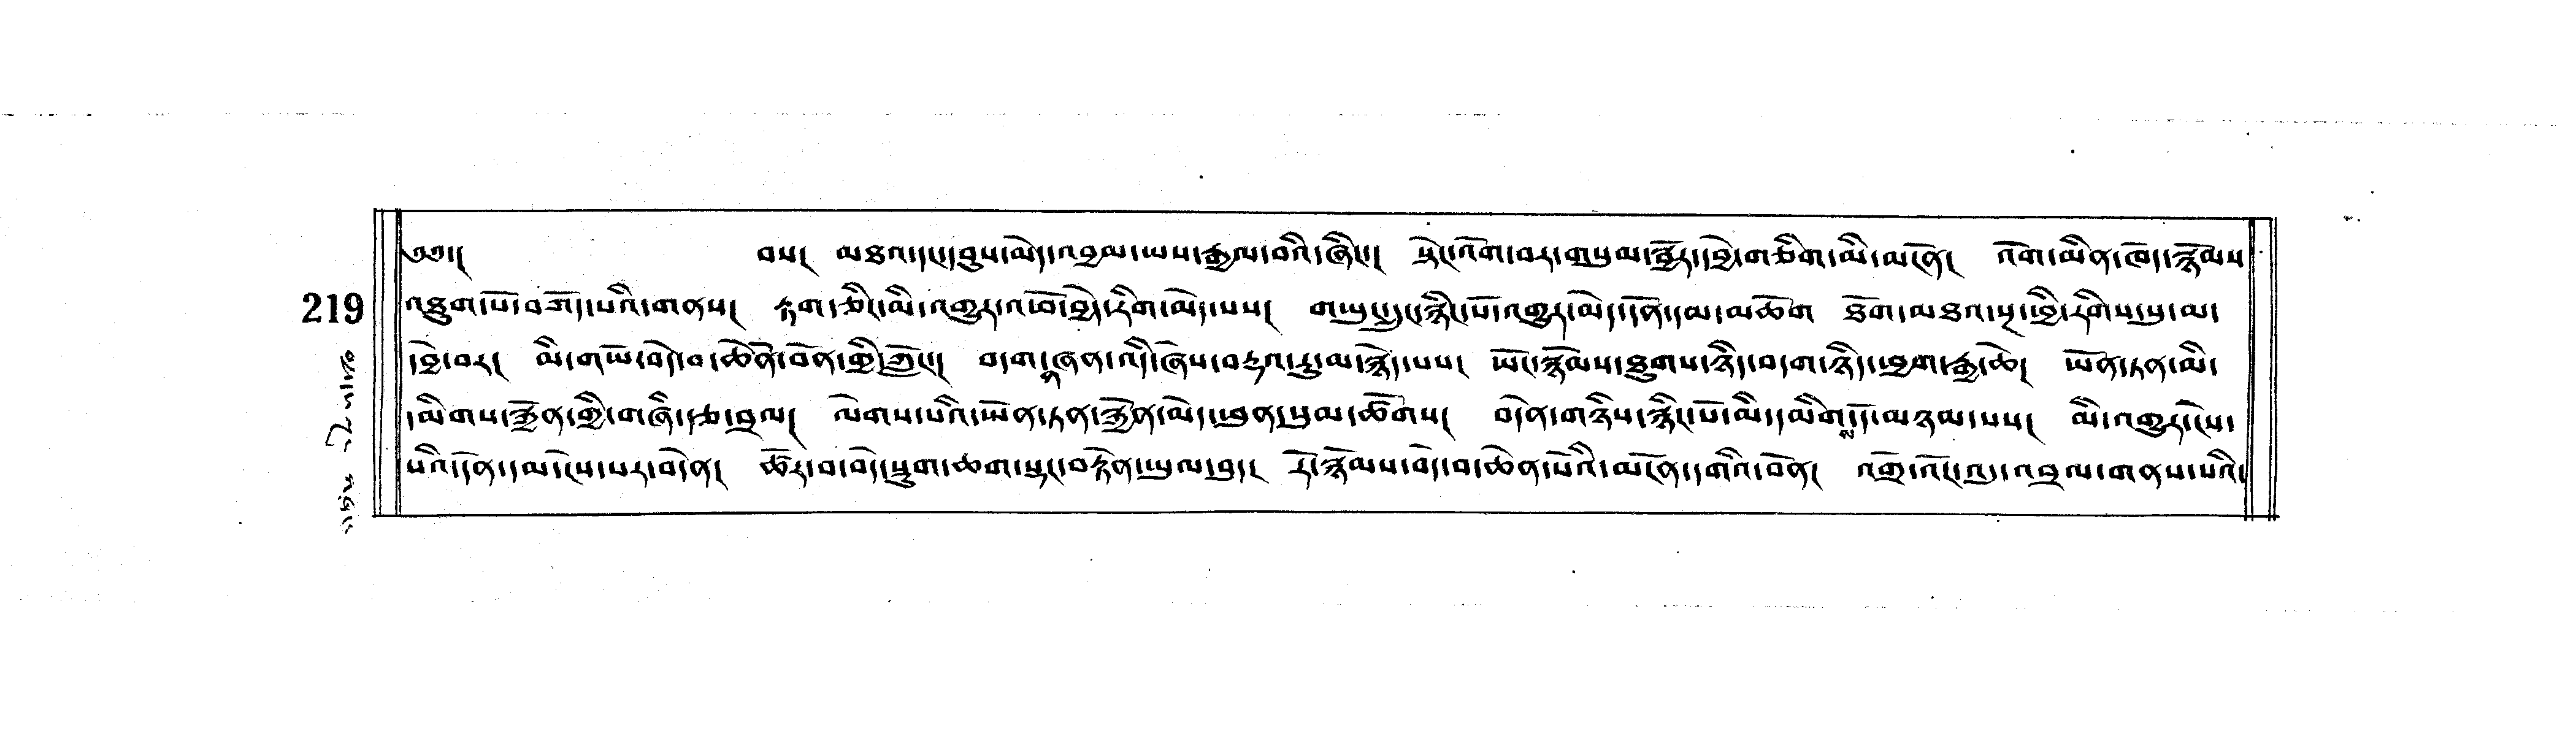བས། མཐའ་དང་དབུས་མེད་འབྱམས་ཡས་རྒྱལ་བའི་ཞིེང་། སྟེང་འོག་བར་གསུམ་སྦྱོར་དབྱེ་གཅིག་མི་མངོན། འོག་མིན་ཁོད་སྙོམས་
མཐུག་པོ་བཀོད་པའི་གནས། རྟག་ཅིང་མི་འགྱུར་འཕོ་བྱེད་རིག་མེད་པས། གཡུང་དྲུང་སྙིང་པོ་འགྱུར་མེད་དོན་དམ་མཆོག ཐོག་མཐའ་སྔ་ཕྱི་རིགས་སུ་མ་
དབྱེ་བར། མི་གཡོ་བདེ་བ་ཆེན་པོའི་བོན་གྱི་ཀློང་། བདག་གཞན་འདི་ཞེས་བརྡ་རུ་མ་རྙེད་པས། ཡོངས་སྙོམས་ཐུགས་ཉིད་བདག་ཉིད་ཕྱག་རྒྱ་ཆེ། ཡོན་ཏན་མི་
དམིགས་སྐྱོན་གྱི་གཞི་རྩ་བྲལ། ལེགས་པའི་ཡོན་ཏན་སྐྱོན་མེད་ཕུན་སུམ་ཚོགས། བདེན་གཉིས་སྙིང་པོ་མི་དམིགས་དོ་མཉམ་པས། མི་འགྱུར་ངེས་
པའི་དོན་དམ་ངེས་པར་བདེན། ཚོར་བ་བདེ་སྡུག་ཆགས་སྡང་བརྟེན་ཡུལ་བུད། རོ་སྙོམས་བདེ་བ་ཆེན་པོའི་མངོན་དགའི་བོན། འགྲོ་འོང་འདུ་འབྲལ་གནས་པའི་